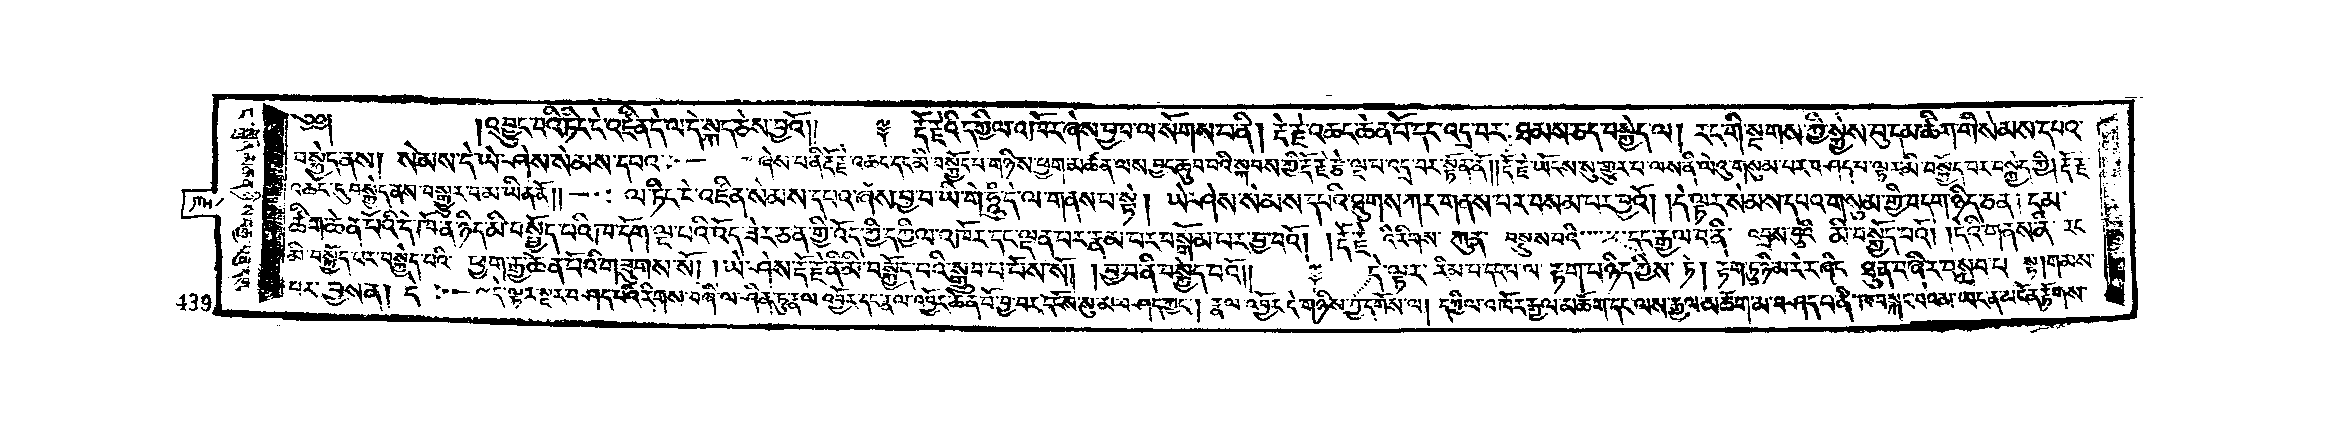༄༅། །འབྱུང་བའི་ཏིང་ངེ་འཛིན་དེ་ལ་ད་སྐད་ཅེས་བྱའོ།། ༈ རྡོ་རྗེའི་དཀྱིལ་འཁོར་ཞེས་བྱ་བ་ལ་སོགས་པ་ནི། རྡོ་རྗེ་འཆང་ཆེན་པོ་དང་འདྲ་བར་ཐམས་ཅད་བསྐྱེད་ལ། རང་གི་སྔགས་ཀྱི་སྐྱེས་བུ་དམ་ཚིག་གི་སེམས་དཔའ་
བསྐྱེད་ནས། སེམས་དེ་ཡེ་ཤེས་སེམས་དཔའཿ་༧ཞེས་པ་ནི་རྡོ་རྗེ་འཆང་དང་མི་བསྐྱོད་པ་གཉིས་ཕྱག་མཚན་ལས་བྱང་ཆུབ་པའི་སྐབས་ཀྱི་རྡོ་རྗེ་རྩེ་ལྔ་པ་འདྲ་བར་སྟོན་ནོ། །རྡོ་རྗེ་ཡོངས་སུ་གྱུར་པ་ལས་ནི་ལེའུ་གསུམ་པར་བཤད་པ་ལྟར་མི་བསྐྱོད་པར་བསྐྱེད་ཀྱི། རྡོ་རྗེ་
འཆང་དུ་བསྐྱེད་ནས་བསྒྱུར་བ་མ་ཡིན་ནོ།།.H ལ་ཏིང་ངེ་འཛིན་སེམས་དཔའ་ཞེས་བྱ་བ་ཡི་གེ་ཧཱུཾ་དེ་ལ་གནས་པ་སྟེ། ཡེ་ཤེས་སེམས་དཔའི་ཐུགས་ཀར་གནས་པར་བསམ་པར་བྱའོ། །དེ་ལྟར་སེམས་དཔའ་གསུམ་གྱི་བདག་ཉིད་ཅན། དམ་
ཚིག་ཆེན་པོའི་དེ་ཁོ་ན་ཉིད་མི་བསྐྱོད་པའི་ཁ་དོག་ལྔ་པའི་འོད་ཟེར་ཅན་གྱི་འོད་ཀྱི་དཀྱིལ་འཁོར་དང་ལྡན་པར་རྣམ་པར་བསྒོམ་པར་བྱ་བའོ། །རྡོ་རྗེའི་རིགས་ཀུན་བསྡུས་པའི་དང་རྒྱལ་བ་ནི་འབྲས་བུའི་མི་བསྐྱོད་པའོ། །དེའི་གནས་ནི་རུང་
མི་བསྐྱོད་པར་བསྐྱེད་པའི་ཕྱག་རྒྱ་ཆེན་པོའི་གཟུགས་སོ། །ཡེ་ཤེས་རྡོ་རྗེ་ནི་མི་བསྐྱོད་པའི་སྒྲུབ་པ་པོས་སོ། །བྱ་བ་ནི་བསྐྱེད་པའོ།། ༈ དེ་ལྟར་རིམ་པ་དང་པོ་ལ་རྟག་པ་ཉིད་ཀྱིས་ཏ། རྟག་ཏུ་ཉི་མ་རེར་ཞིང་ཐུན་བཞིར་བསླབ་པ་སྟེ། གོམས་
པར་བྱས་ན། དེ་H.༧དེ་ལྟར་སྔར་བཤད་པའི་རིགས་བཞི་ལ་ཤིན་ཏུ་རྣལ་འབྱོར་དང་རྣལ་འབྱོར་ཆེན་པོ་བྱ་བར་དངོས་སུ་མ་བཤད་ཀྱང་། རྣལ་འབྱོར་དེ་གཉིས་བྱ་དགོས་ལ། དཀྱིལ་འཁོར་རྒྱལ་མཆོག་དང་ལས་རྒྱལ་མཆོག་མ་བཤད་པ་ནི་ཁ་བསྐང་བའམ་ཡང་ན་མངོན་རྟོགས་